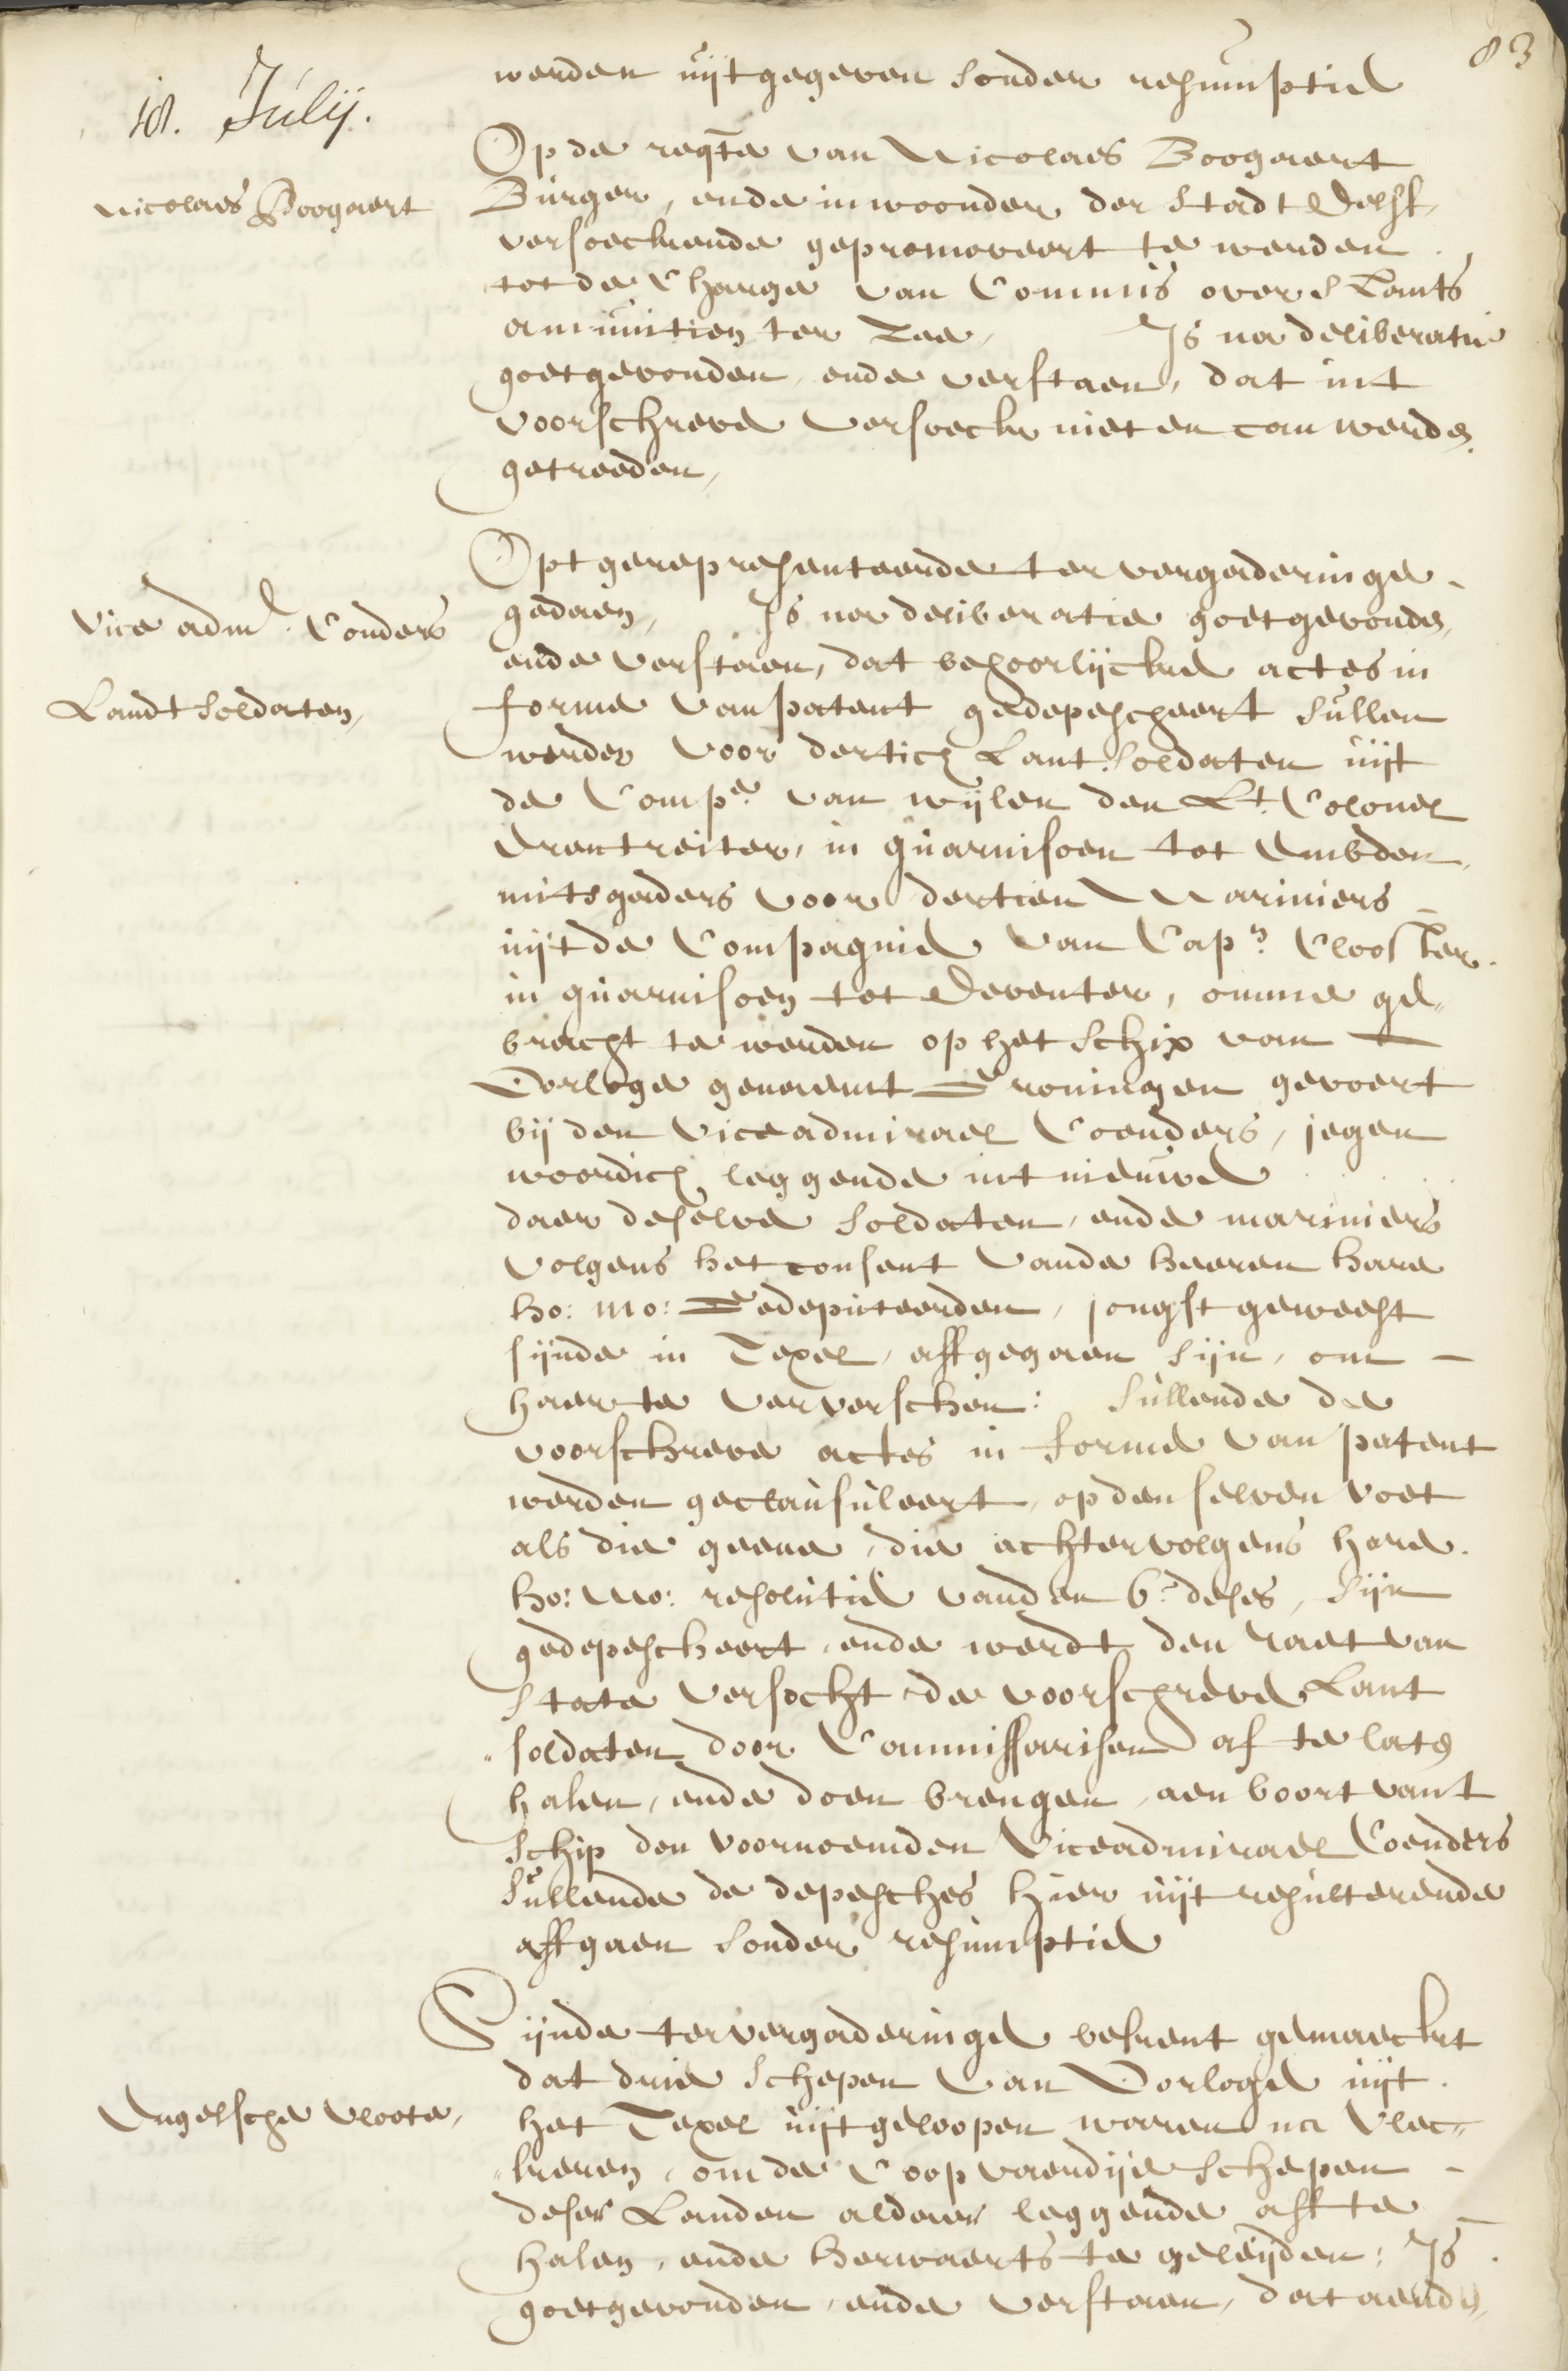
83
18. Julij.
werden uijtgegeven sonder resumptie
Nicolaes Boogaert
Op de reqte van Nicolaes Boogaert
Burger, ende inwoonder der Stadt Delft
versoeckende gepromoveert te werden
tot de Charge van Commis over sLants
amunitien ter Zee. Is na deliberatie
goetgevonden, ende verstaen, dat int
voorschreve versoeck niet en can worden
getreeden.
Vice adml. Conders
Landt soldaten
Opt gerepresenteerde ter vergaderinge
gedaen, Is na deliberatie goetgevonden
ende verstaen, dat behoorlijcke actes in
forme van patent gedepescheert sullen
werden voor dertich Lant soldaten uijt
de Compe van wijlen den Lt. Colonel
Erentreiter, in guarnisoen tot Embden
mitsgaders voor dertien mariniers
uijt de Compagnie van Capn Clooster
in guarnisoen tot Deventer, omme ge„
bracht te werden op het schip van
Oorloge genaemt Groningen gevoert
bij den vice admirael Coenders, jegen
woordich leggende int nieuwe .....
daer deselve soldaten ende mariniers
volgens het consent vande heeren hare
Ho: Mo: Gedeputeerden, jongst geweest
sijnde in Texel, affgegaen sijn, om
haer te ververschen: Sullende de
voorschreve actes in forme van patent
worden geclausuleert, op den selven voet
als die geene, die achtervolgens hare
Ho: Mo: resolutie vanden 6e. deses sijn
gedepescheert, ende werdt den raet van
State versocht de voorschreve Lant
soldaten door Commissarisen af te laten
halen, ende doen brengen, aen boort vant
schip den voornoemden Viceadmirael Coenders
sullende de depesches hier uijt resulterende
affgaen sonder resumptie.
Engelsche vloote
Sijnde ter vergaderinge bekent gemaeckt
dat drie schepen van Oorloge uijt
het Texel uijt geloopen waren na Vlec„
keren, om de Coopvaerdije schepen
deser Landen aldaer leggende aff te
halen, ende herwaerts te geleijden: Is
goetgevonden ende verstaen, dat aende
